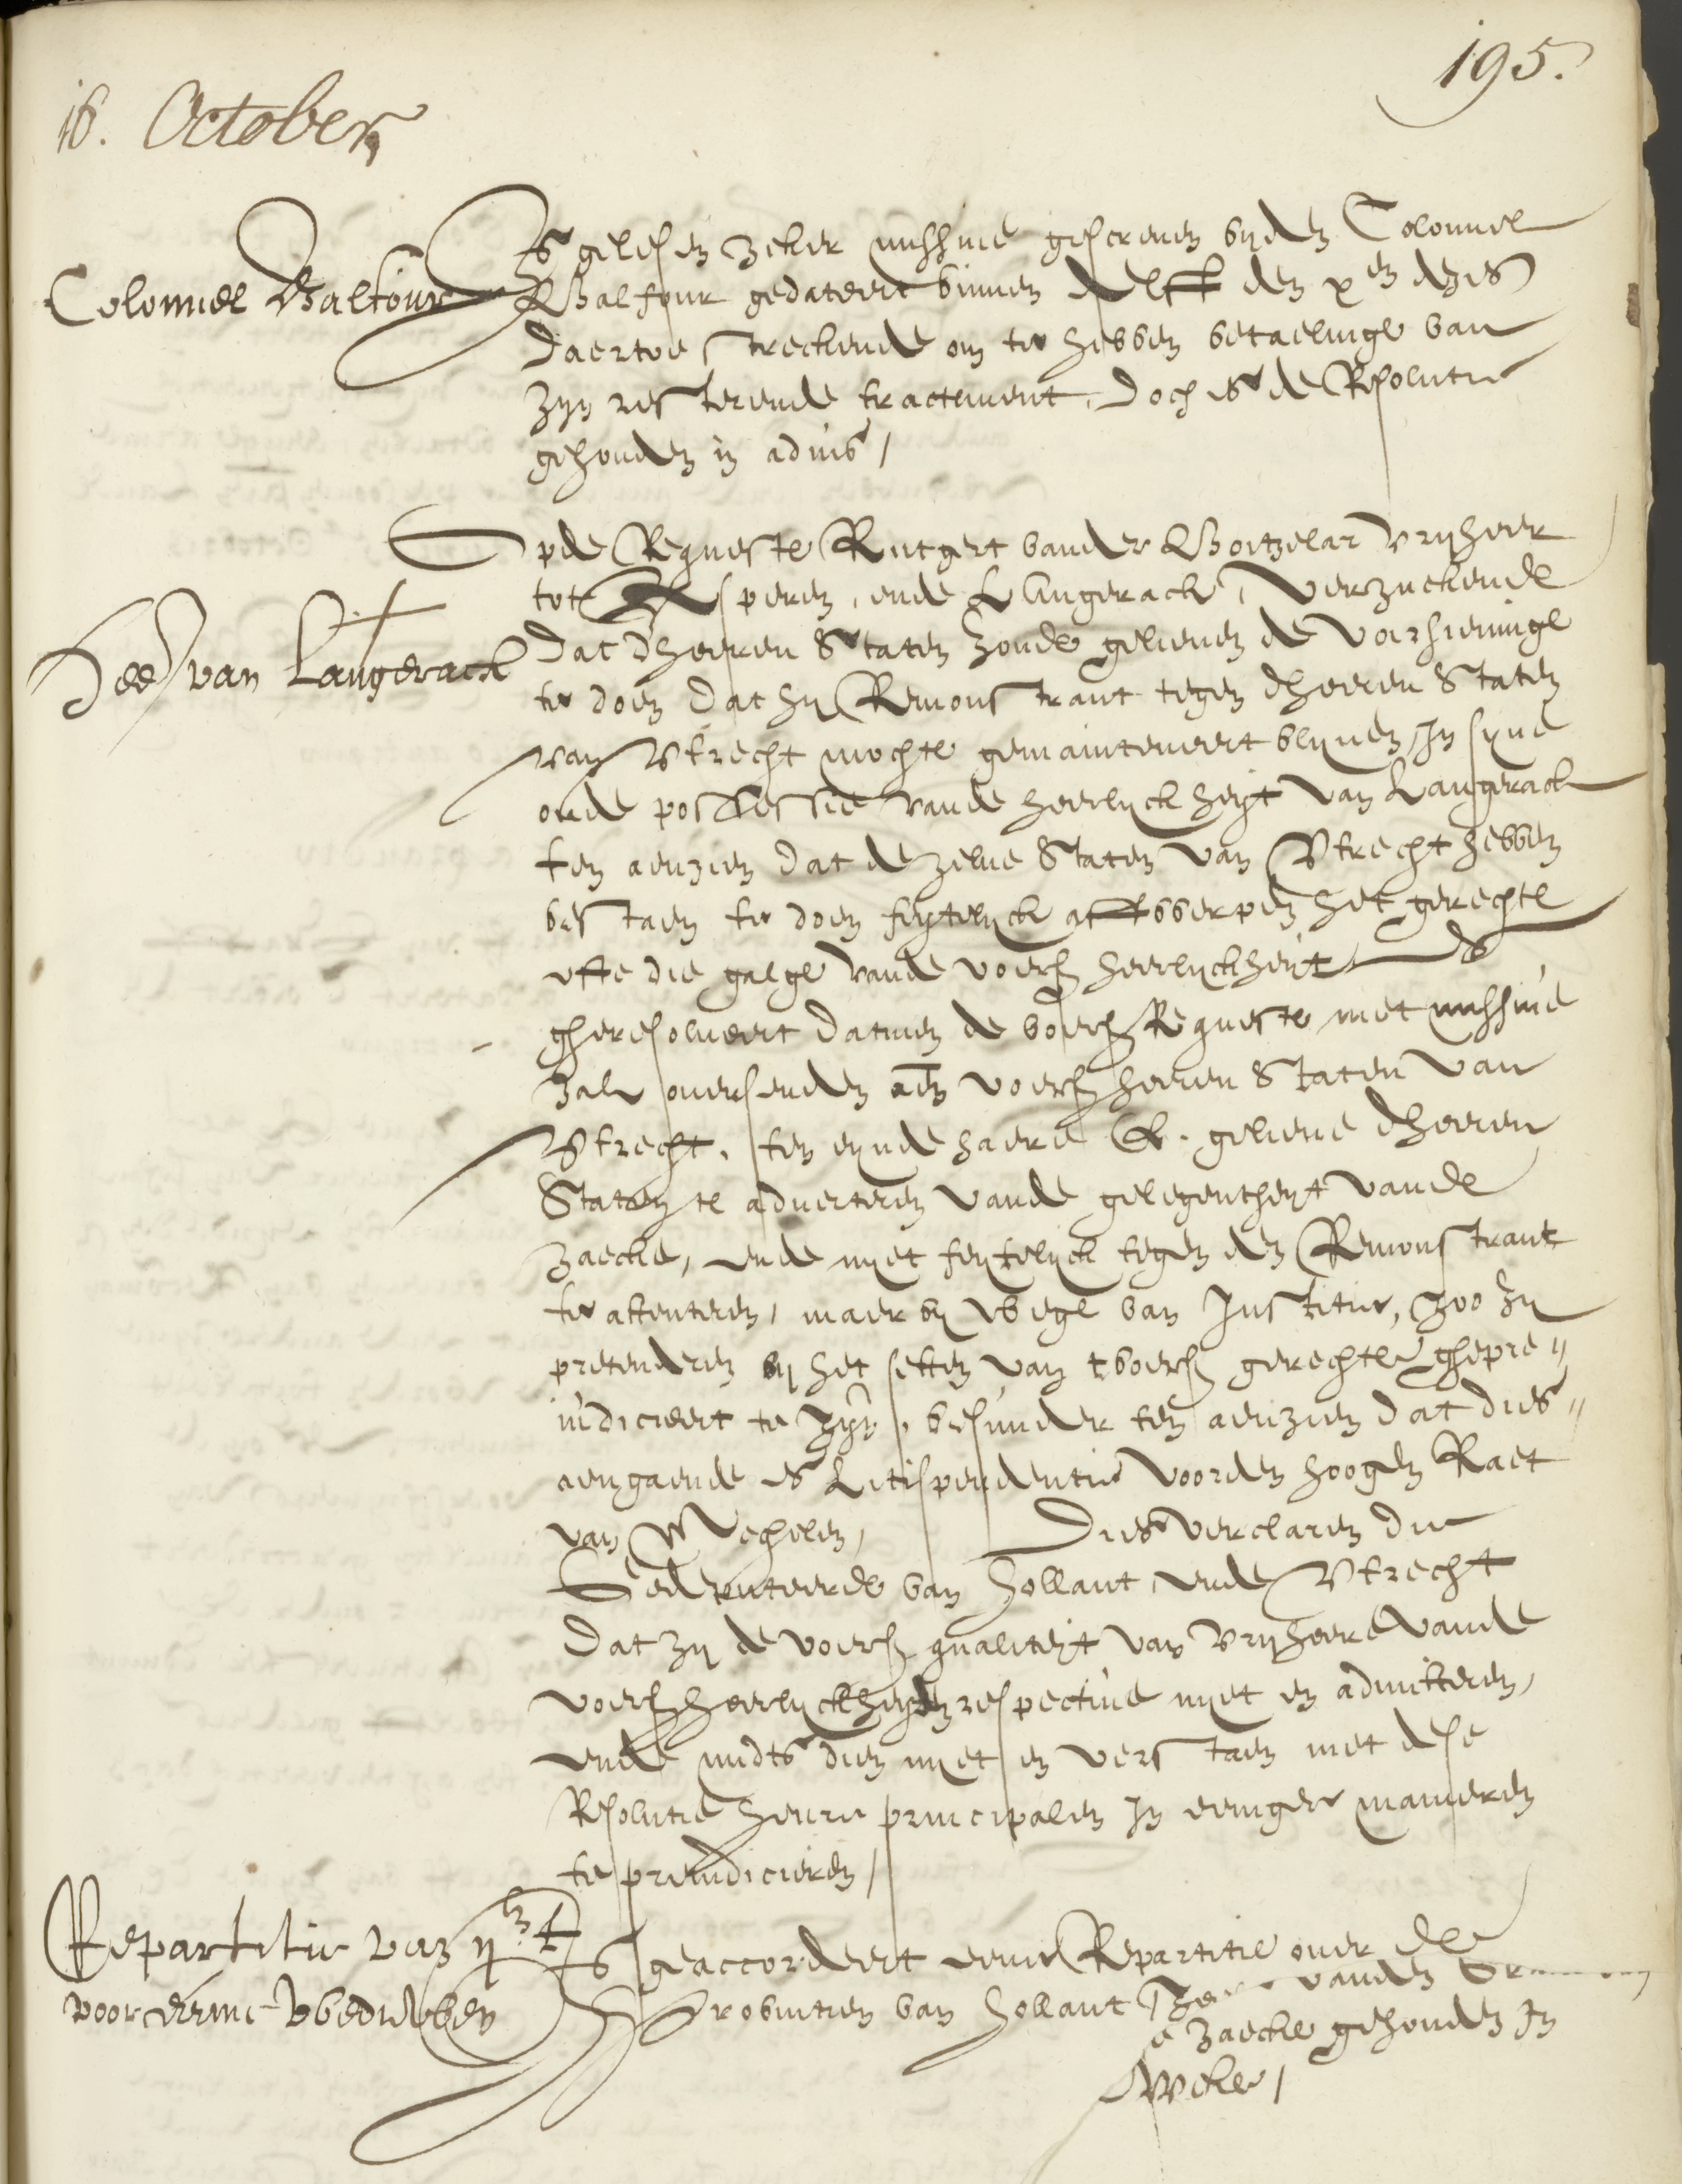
195.
16. October
Colonnel Balfour
Is gelesen zeker missive gescreven byden Colonnel
Balfour gedateert binnen Delff den Xen deses
daertoe streckende om te hebben betaelinge van
zyn resterende tractement, doch es de Resolutie
gehouden in aduis.
Heer van Langerack
Opde Requeste Rutgert vander Boitzelar vryheer
tot Asperen, ende Langerack, verzuckende
dat dheeren Staten zoude gelieven de voirsieninge
te doen dat hy Remonstrant tegen dheeren Staten
van Utrecht mochte gemainteneert blyuen, in syne
oude possessie vande heerlycheyt van Langerack
ten aenzien dat dezelve Staten van Utrecht hebben
bestaen te doen feytelyck affwerpen het gerechte
ofte die galge vande voers heerlycheyt
gheresolveert datmen de voers Requeste met missiue
zal ouersenden aen voers heeren Staten van
Utrecht, ten eynde haere E. gelieve dheeren
Staten te adverteren vande gelegentheyt vande
zaecke, ende nyet feytelyck tegen den Remonstant
te attenteren, maer by wege van Justitie, zoo zy
pretenderen by het setten van tvoers gerechte ghepre„
iudicieert te zijn, besunder ten aenzien dat dies„
aengaende es Litispendentie voorden hoogen Raet
van Mechelen. Dies verclaren die
Gedeputeerde van Hollant ende Utrecht
dat zij de voers qualiteit van vryheere vande
voers heerlyckheyden respectiue nyet en admitteren,
ende midts dien nyet en verstaen met dese
Resolutie heure principalen in eeniger manieren
te preiudicieren.
Repartitie van IIm lb.
voor arme weduwen
Is geaccordeert eene repartitie ouer de
Provincien van hollant The vanden
zaecke gehouden in
Wcke.
